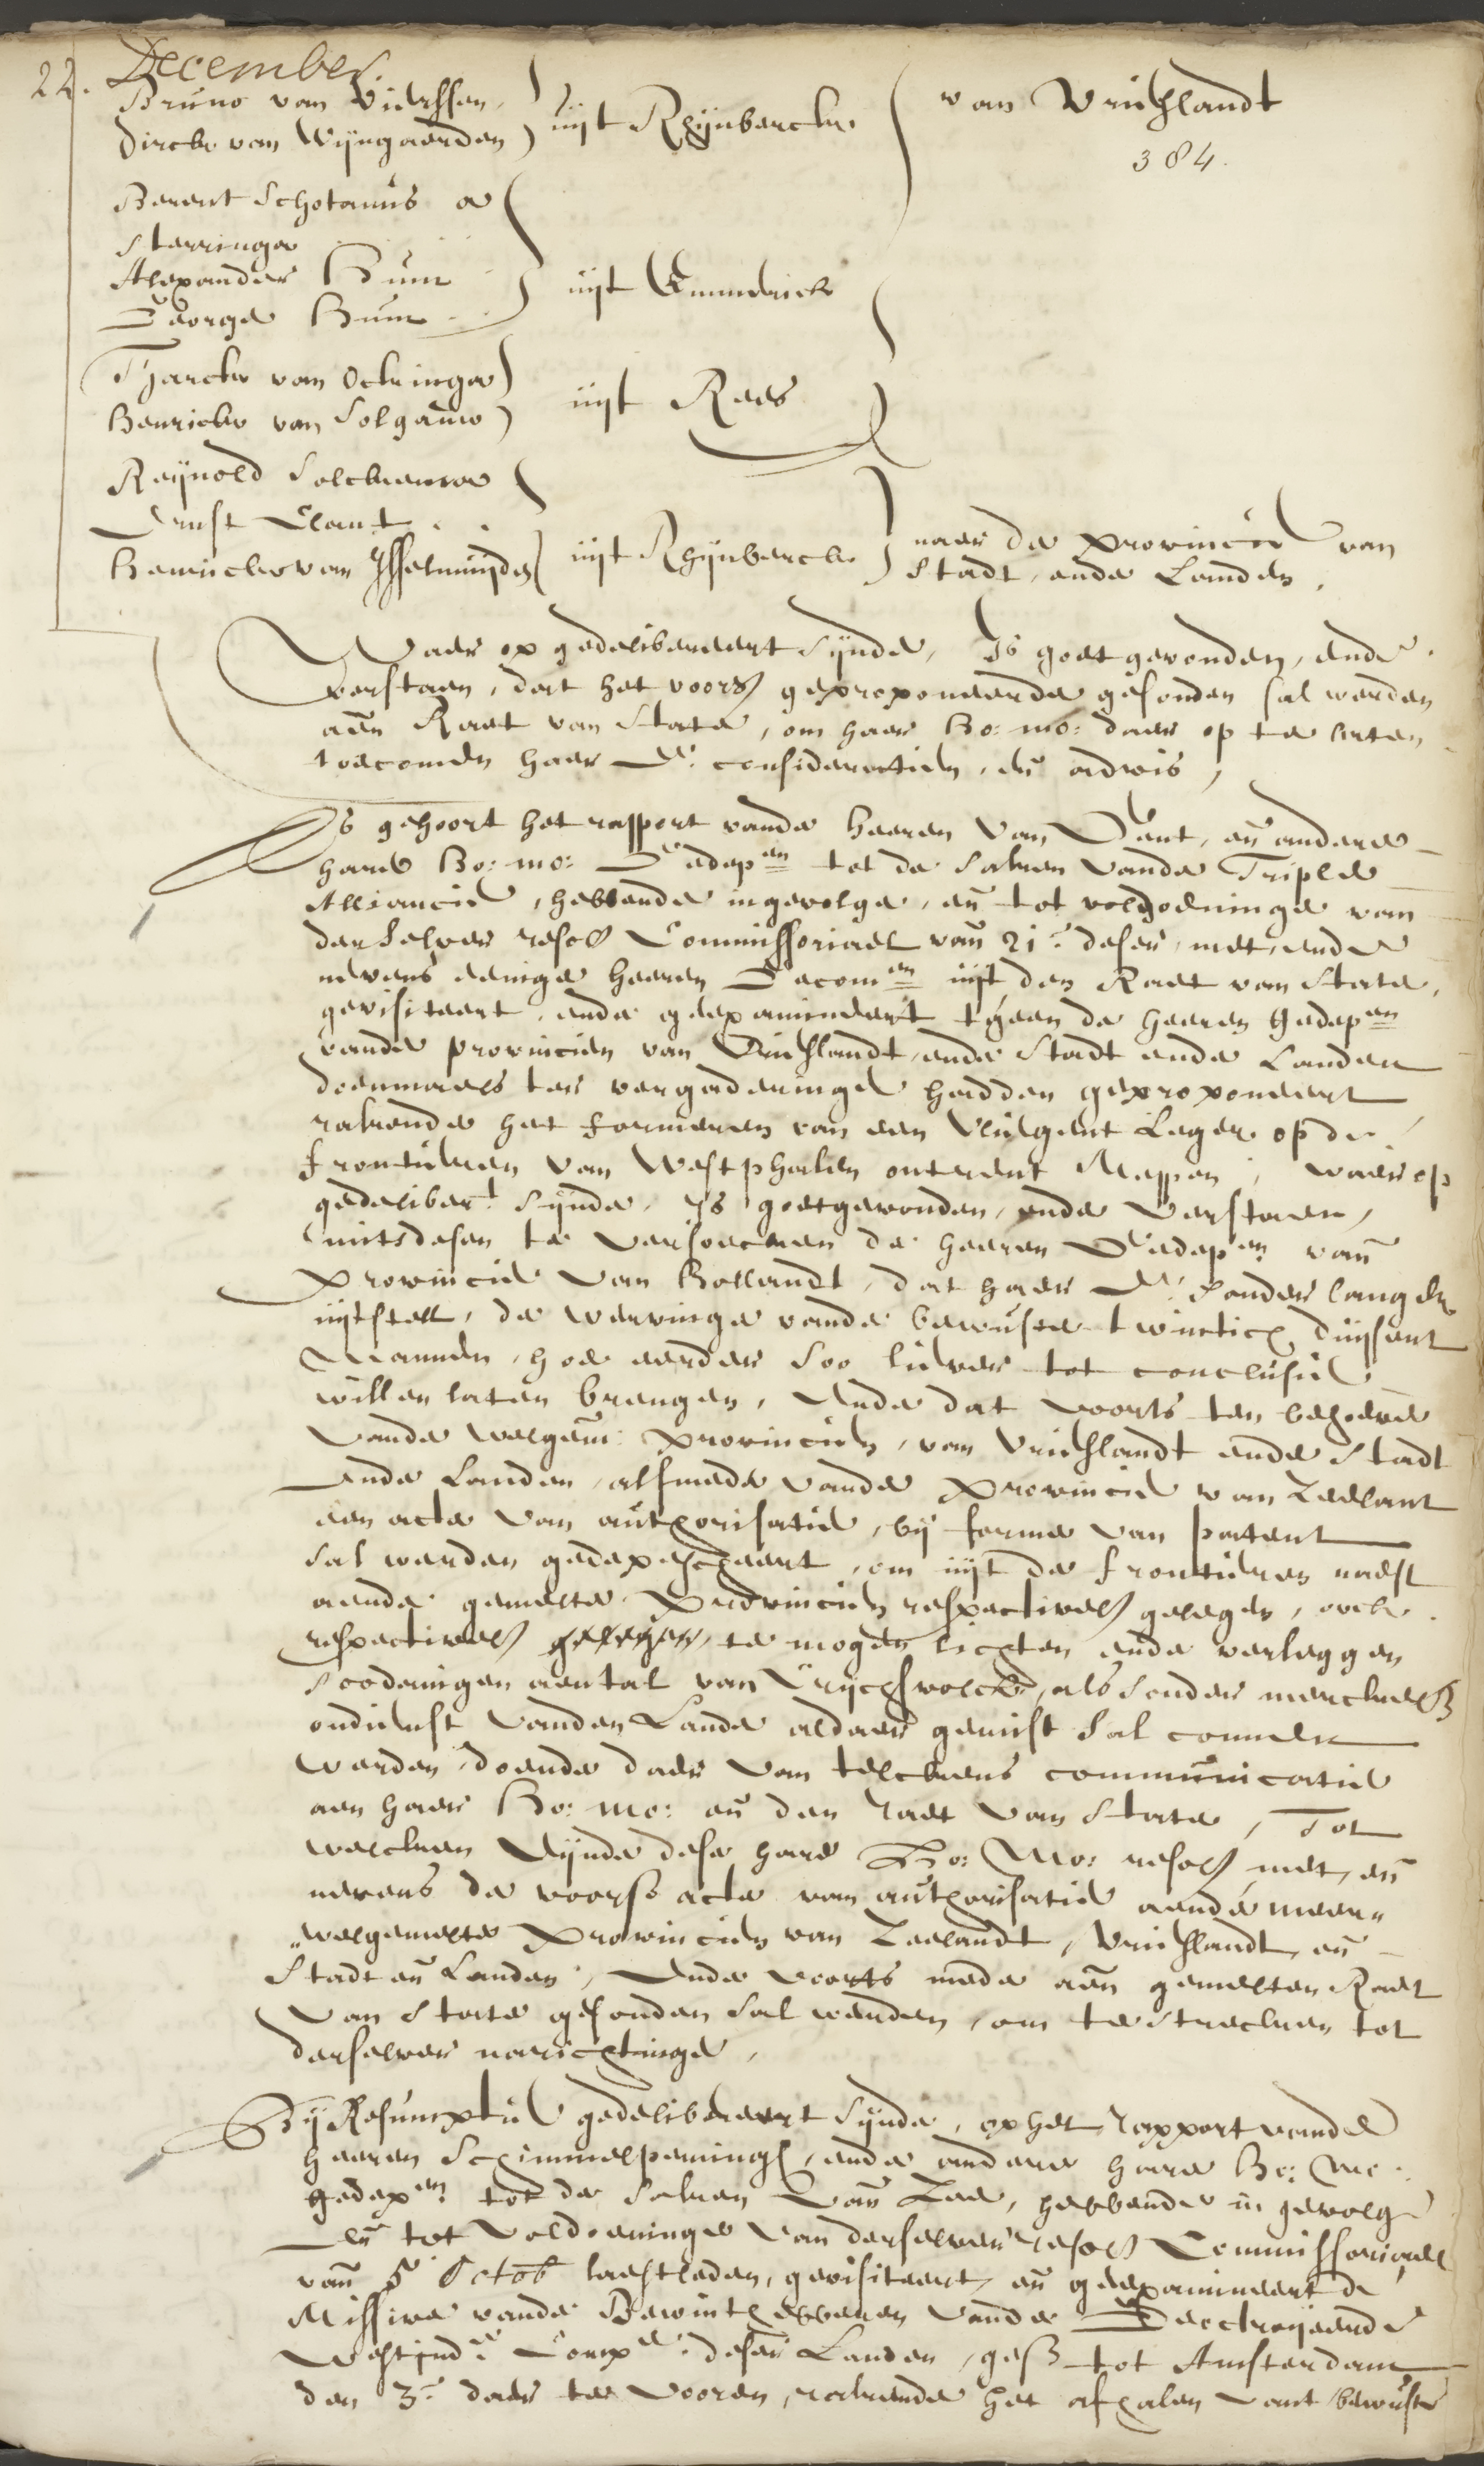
384.
22.
December.
Bruno van Vierssen
dirck van Wijngaerden uijt Rhijnberck van Vrieslandt
Berent Schotanus a
Sterringa
Alexander Hum
Georgge Hum uijt Emmerick
Tjarck van Ockinga
Henrick van Solgauw uijt Rees
Reijnold Solckena
Ernst Clant
Henrick van Isselmuijden uijt Rhijnberck naer de Provincie van
Stadt, ende Landen
Waer op gedelibereert sijnde, Is goetgevonden, ende
verstaen, dat het voors geproponeerde gesonden sal werden
aen Raet van State, om haer Ho:Mo: daer op te laten
toecomen haer E. consideratien, en advis.
Is gehoort het rapport vande heeren van Gent, en andere
hare Ho:Mo: Gedepen tot de saken vande Triple
Alliancie, hebbende ingevolge, en tot voldoeninge van
der selver resol Commissoriael van 21e. deser, met ende
nevens eenige heeren Gecomen uijt den Raet van State
gevisiteert, ende geexamineert t'geen de heeren Gedepen
vande provincien van Vrieslandt, ende Stadt ende Landen
doenmaels ter vergaderinge hadden geproponeert
rakende het formeren van een Vliegent Leger op de
frontieren van Westphalen ontrent Meppen; Waerop
gedelibert. sijnde, Is goetgevonden, ende verstaen,
mitsdesen te versoecken de heeren Gedepen. van
provincie van Hollandt, dat haer E. sonder langen
uijtstell, de wervinge vande bewuste twintich duijsent
mannen, hoe eerder soo liever tot conclusie
willen laten brengen, ende dat voorts ten behoeve
vande welgem: provincien, van Vrieslandt ende Stadt
ende Landen, alsmede vande Provincie van Zeelant
een acte van authorisatie, bij forme van patent
sal werden gedepescheert, om uijt de frontieren naest
aende gemelte Provincien respectivel gelegen, oock
respectivel gelegen, te mogen lichten ende verleggen
soodanigen aental van Crijchsvolck, als sonder merckel
ondienst vanden Lande aldaer gemist sal connen
werden, doende daer van telckens communicatie
aen haer Ho:Mo: en den Raet van State, tot
welcken Eijnde dese hare Ho:Mo: resol met, en
nevens de voors acte van authorisatie aende meer„
,,welgemelte Provincien van Zeelandt, Vrieslandt, en
Stadt en Landen, ende voorts mede aen gemelten Raet
van State gesonden sal werden, om te strecken tot
derselver narichtinge.
Bij Resumptie gedelibereert sijnde, op het rapport vande
heeren Schimmelpenningh, ende andere hare Ho:Mo:
gedepen. tot de saken van Zee, hebbende in gevolge
en tot voldoeninge van derselven resol Commissoriael
van 5. Octob laestleden, gevisiteert en geexamineert de
Missive vande Bewinthebberen vande Geoctroijeerde
Westinde. Compe. deser Landen, ges tot Amsterdam,
den 3e. daer te vooren, rakende het afhalen vant bewuste
